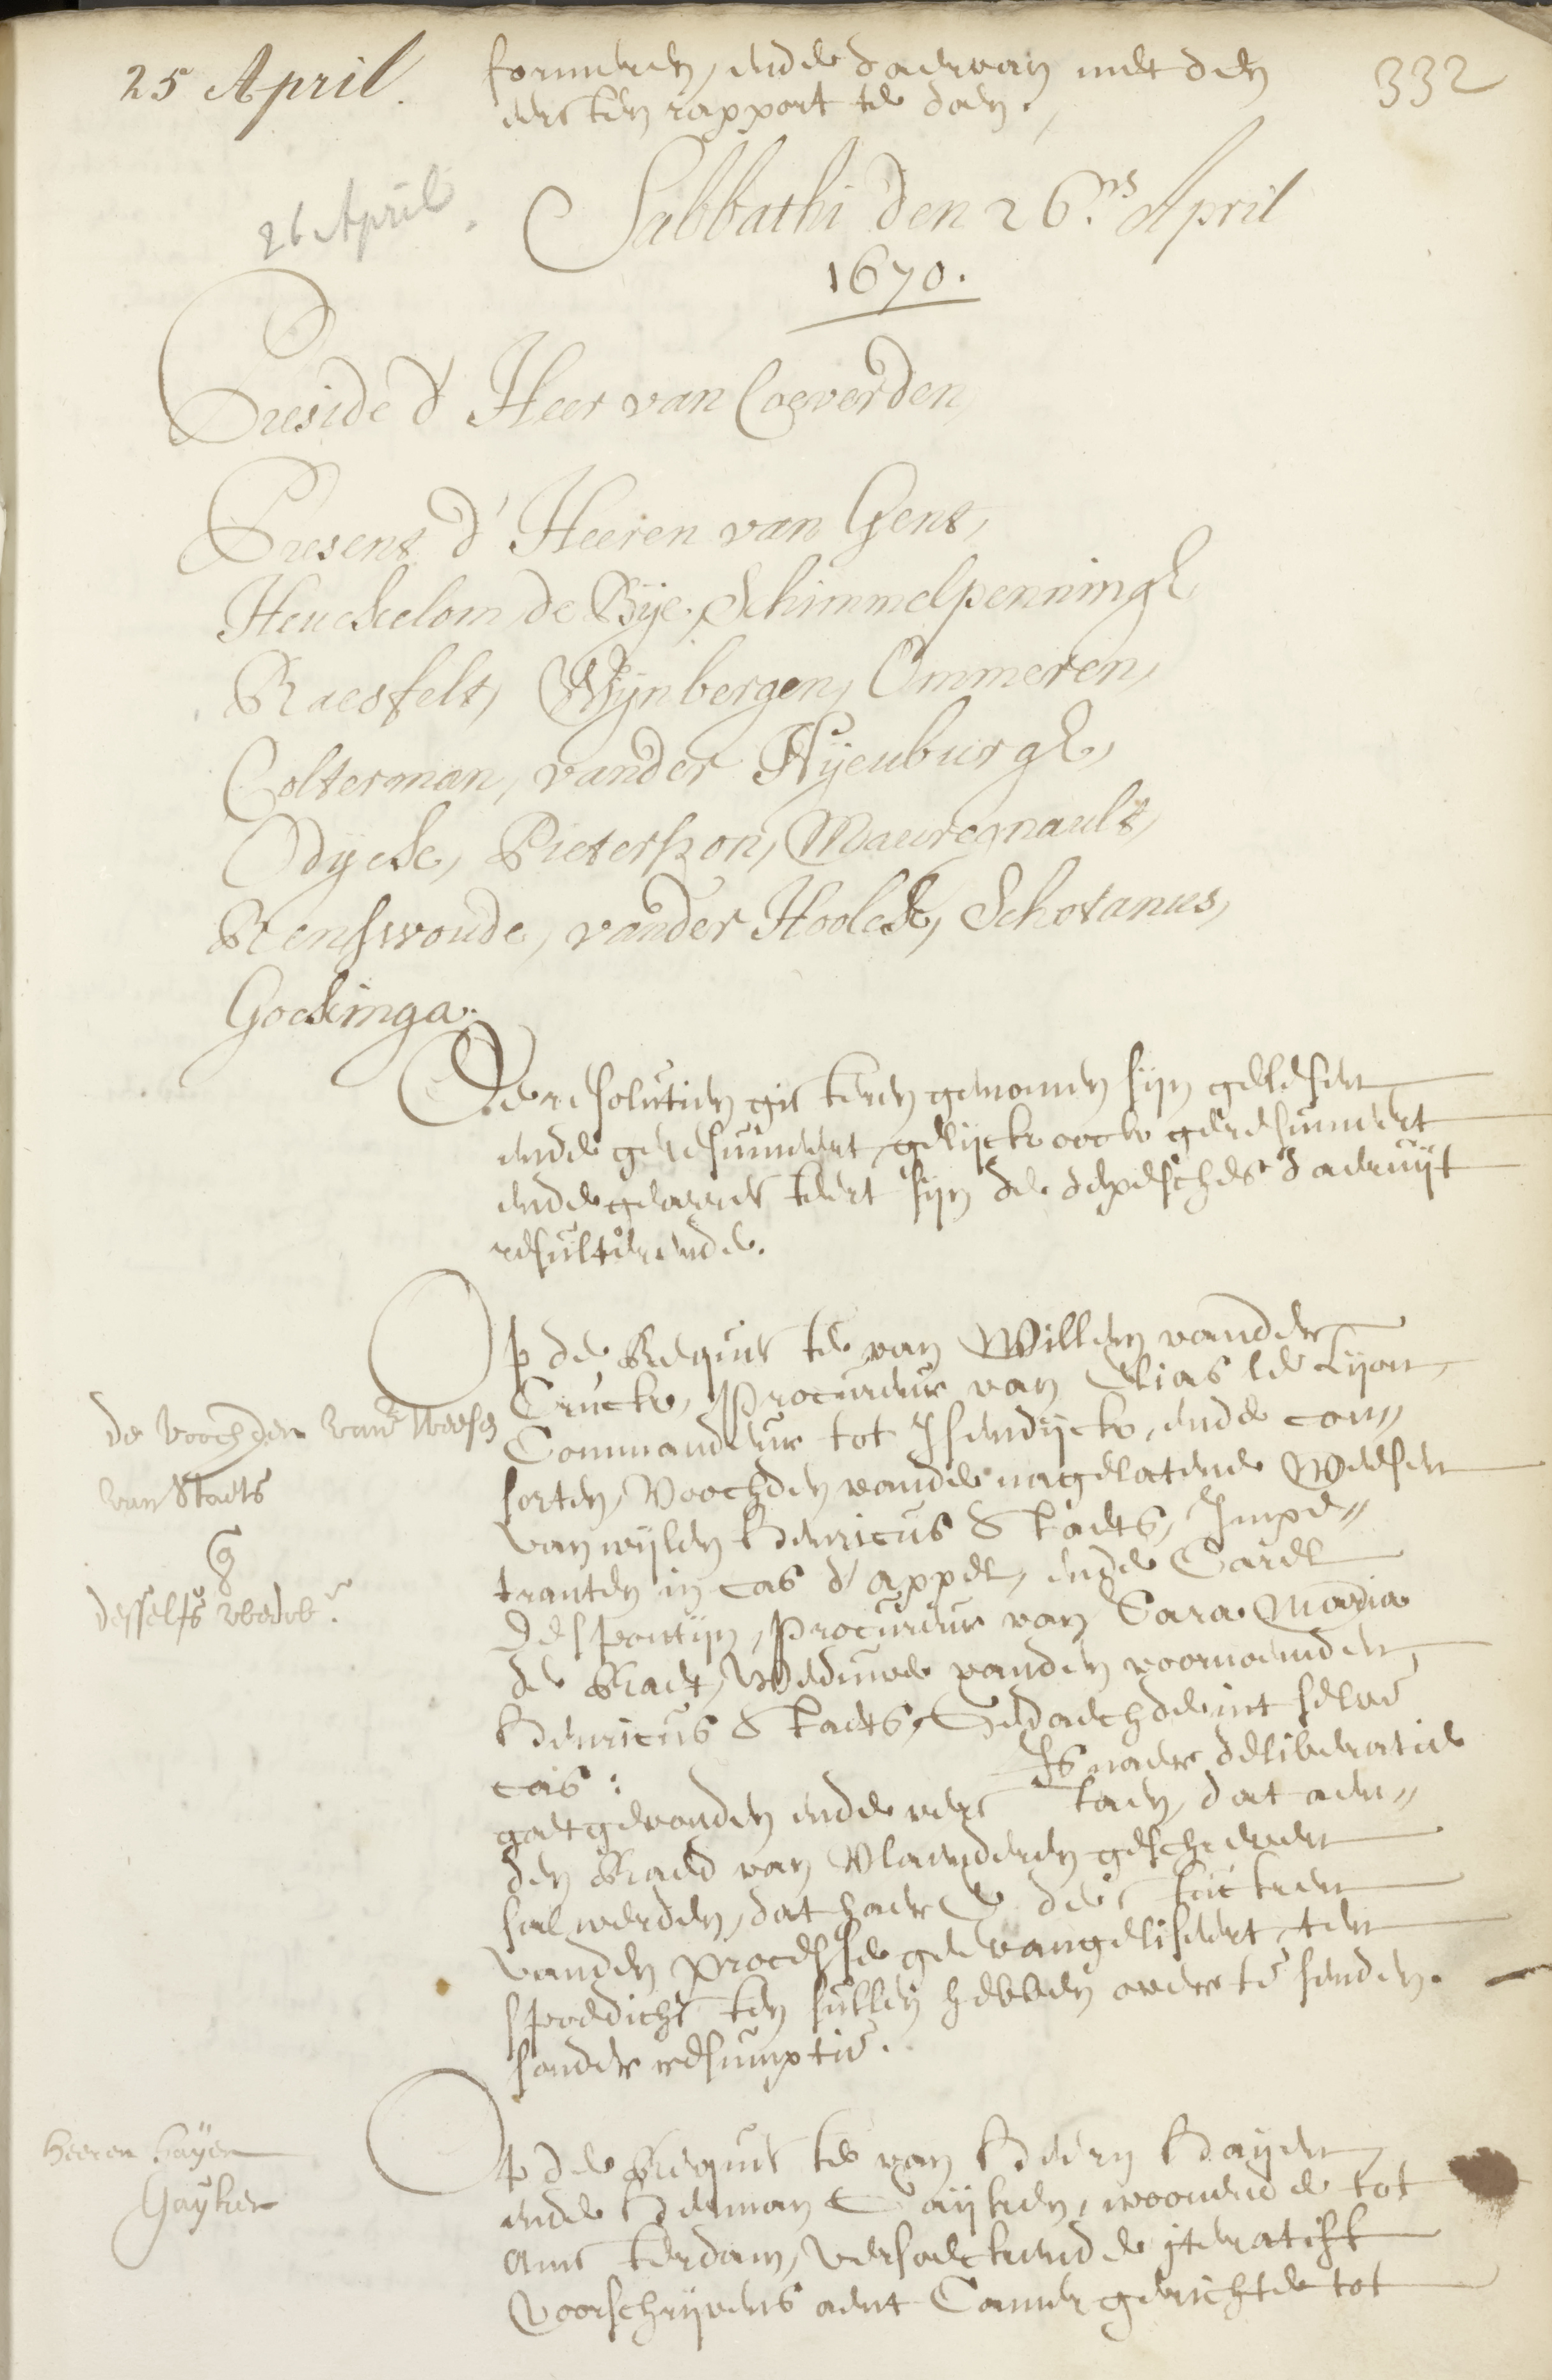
332
25 April.
formeren, ende daervan met den
eersten rapport te doen.
36 Apul
Sabbathi den 26en. April
1670.
Preside d'Heer van Coeverden,
Present d'Heeren van Gent,
Heuckelom, de Bije, Schimmelpenningh,
Raesfelt, Wijnbergen, Ommeren,
Colterman, vander Nijenburgh,
Odijck, Pieterszon, Mauregnault,
Renswoude, van der Hoolck, Schotanus,
Gockinga.
De resolutien gisteren genomen sijn gelesen
ende geresumeert, gelijck oock geresumeert
ende gearresteert sijn de depesches daeruijt
resulterende.
de voochden van Weesen
van Staets
ca.
desselfs wedwe.
Opde Requeste van Willem vander
Cruck, Procureur van Elias le Lijon,
Commandeur tot Isendijck, ende con„
sorten, Voochden vande nagelatene Weesen
van wijlen Henricus Staets, Impe„
tranten in cas d'appel, ende Carel
Despontijn, Procureur van Sara Maria
de Raet, Weduwe vanden voornoemden
Henricus Staets Gedaechde int selve
cas: Is naer deliberatie
goetgevonden ende verstaen, dat aen„
den Raed van Vlaenderen geschreven
sal werden, dat haer E de stucken
vanden processe geevangeliseert, ten
spoedichsten sullen hebben over te senden,
sonder resumptie.
heeren haijen
Gaijken
Opde Requeste van Heern Haijen
ende Herman Gaijken, woonende tot
Amsterdam, versoeckende iteratiff
voorschrijvens aent Camergerichte tot
